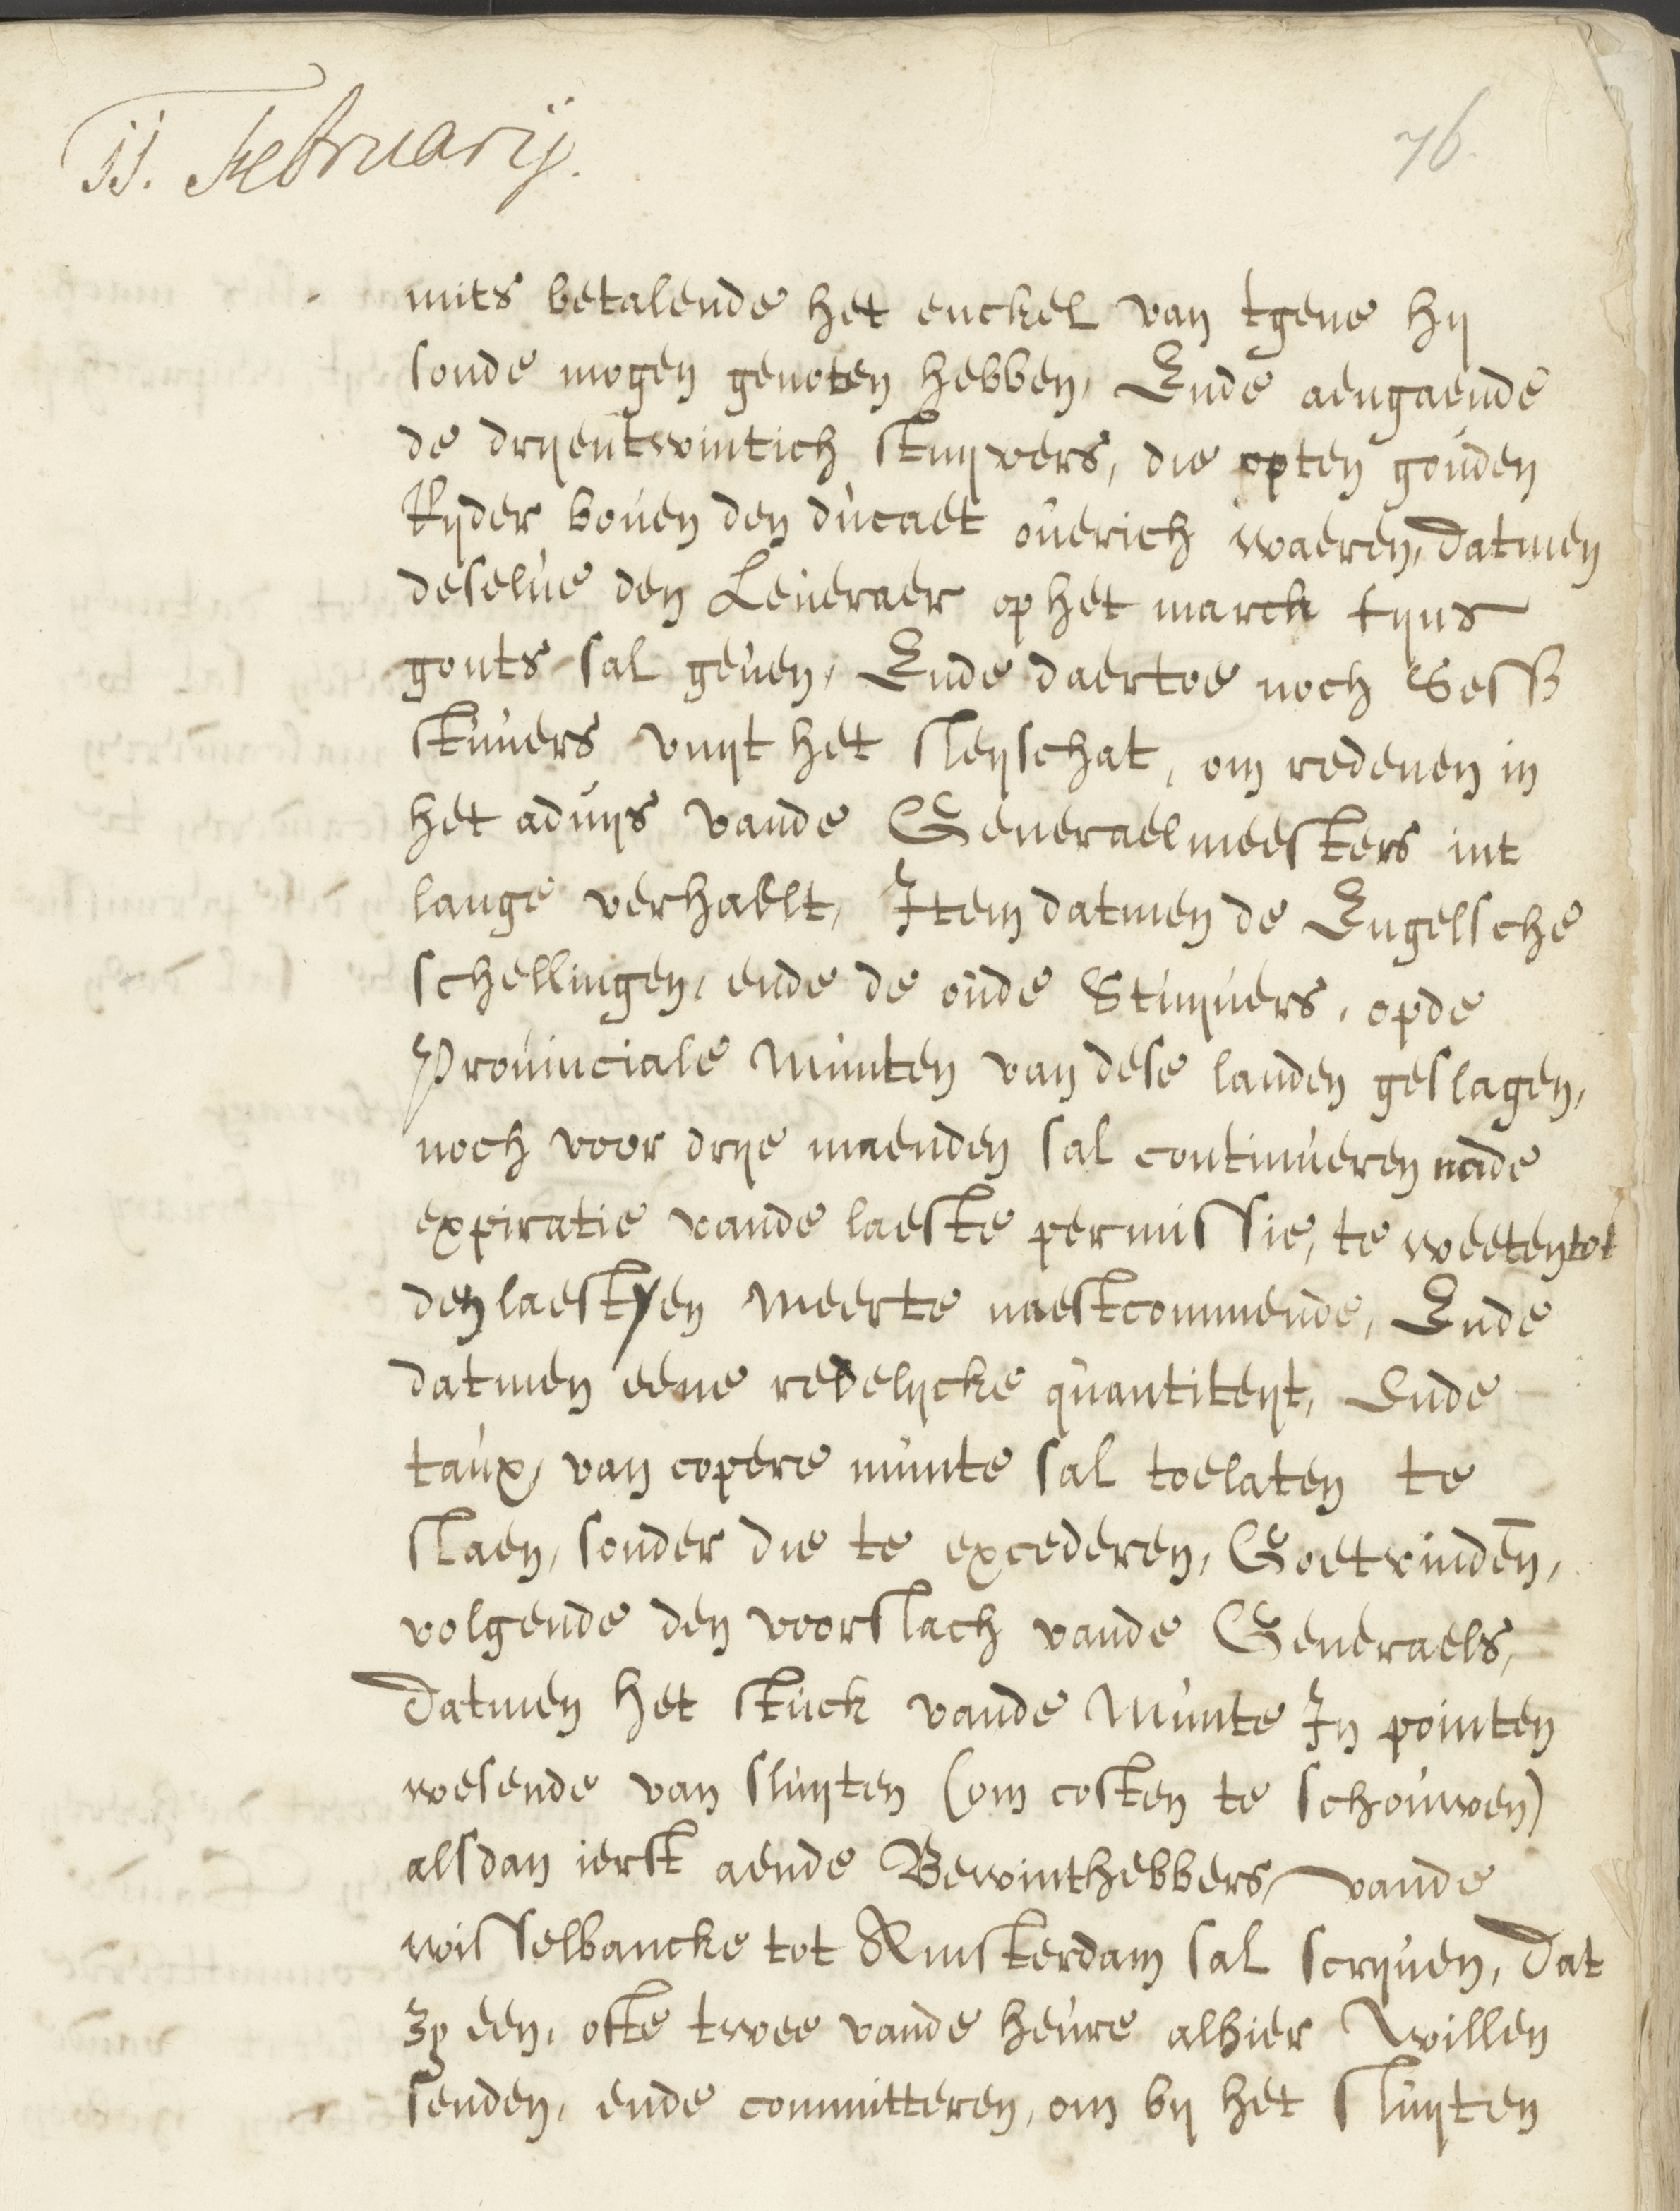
76
11. Februarij.
mits betalende het enckel van tgene hy
soude mogen genoten hebben. Ende aengaende
de dryentwintich stuyvers, die opten gouden
Ryder bouen den ducaet ouerich waeren, datmen
deselue den Leueraer op het marck fyns
gouts sal geuen, Ende daertoe noch sess
stuuers vuyt het sleyschat, om redenen in
het aduys vande Generaelmeesters int
lange verhaelt. Item datmen de Engelsche
schellingen, ende de oude Stuyuers, opde
Prouinciale Munten van dese landen geslagen,
noch voor drye maenden sal continueren nade
expiratie vande laeste permissie, te weeten tot
den laestyen meerte naestcommende. Ende
datmen eene redelycke quantiteyt, ende
taux van copere munte sal toelaten te
slaen, sonder die te excederen, Goetvinden,
volgende den voorslach vande Generaels,
datmen het stuck vande Munte In pointen
wesende van sluyten (om costen te schouwen)
alsdan ierst aende Bewinthebbers vande
wisselbancke tot Amsterdam sal scryuen, dat
zy een, ofte twee vande heure alhier willen
senden, ende committeren, om by het sluyten
